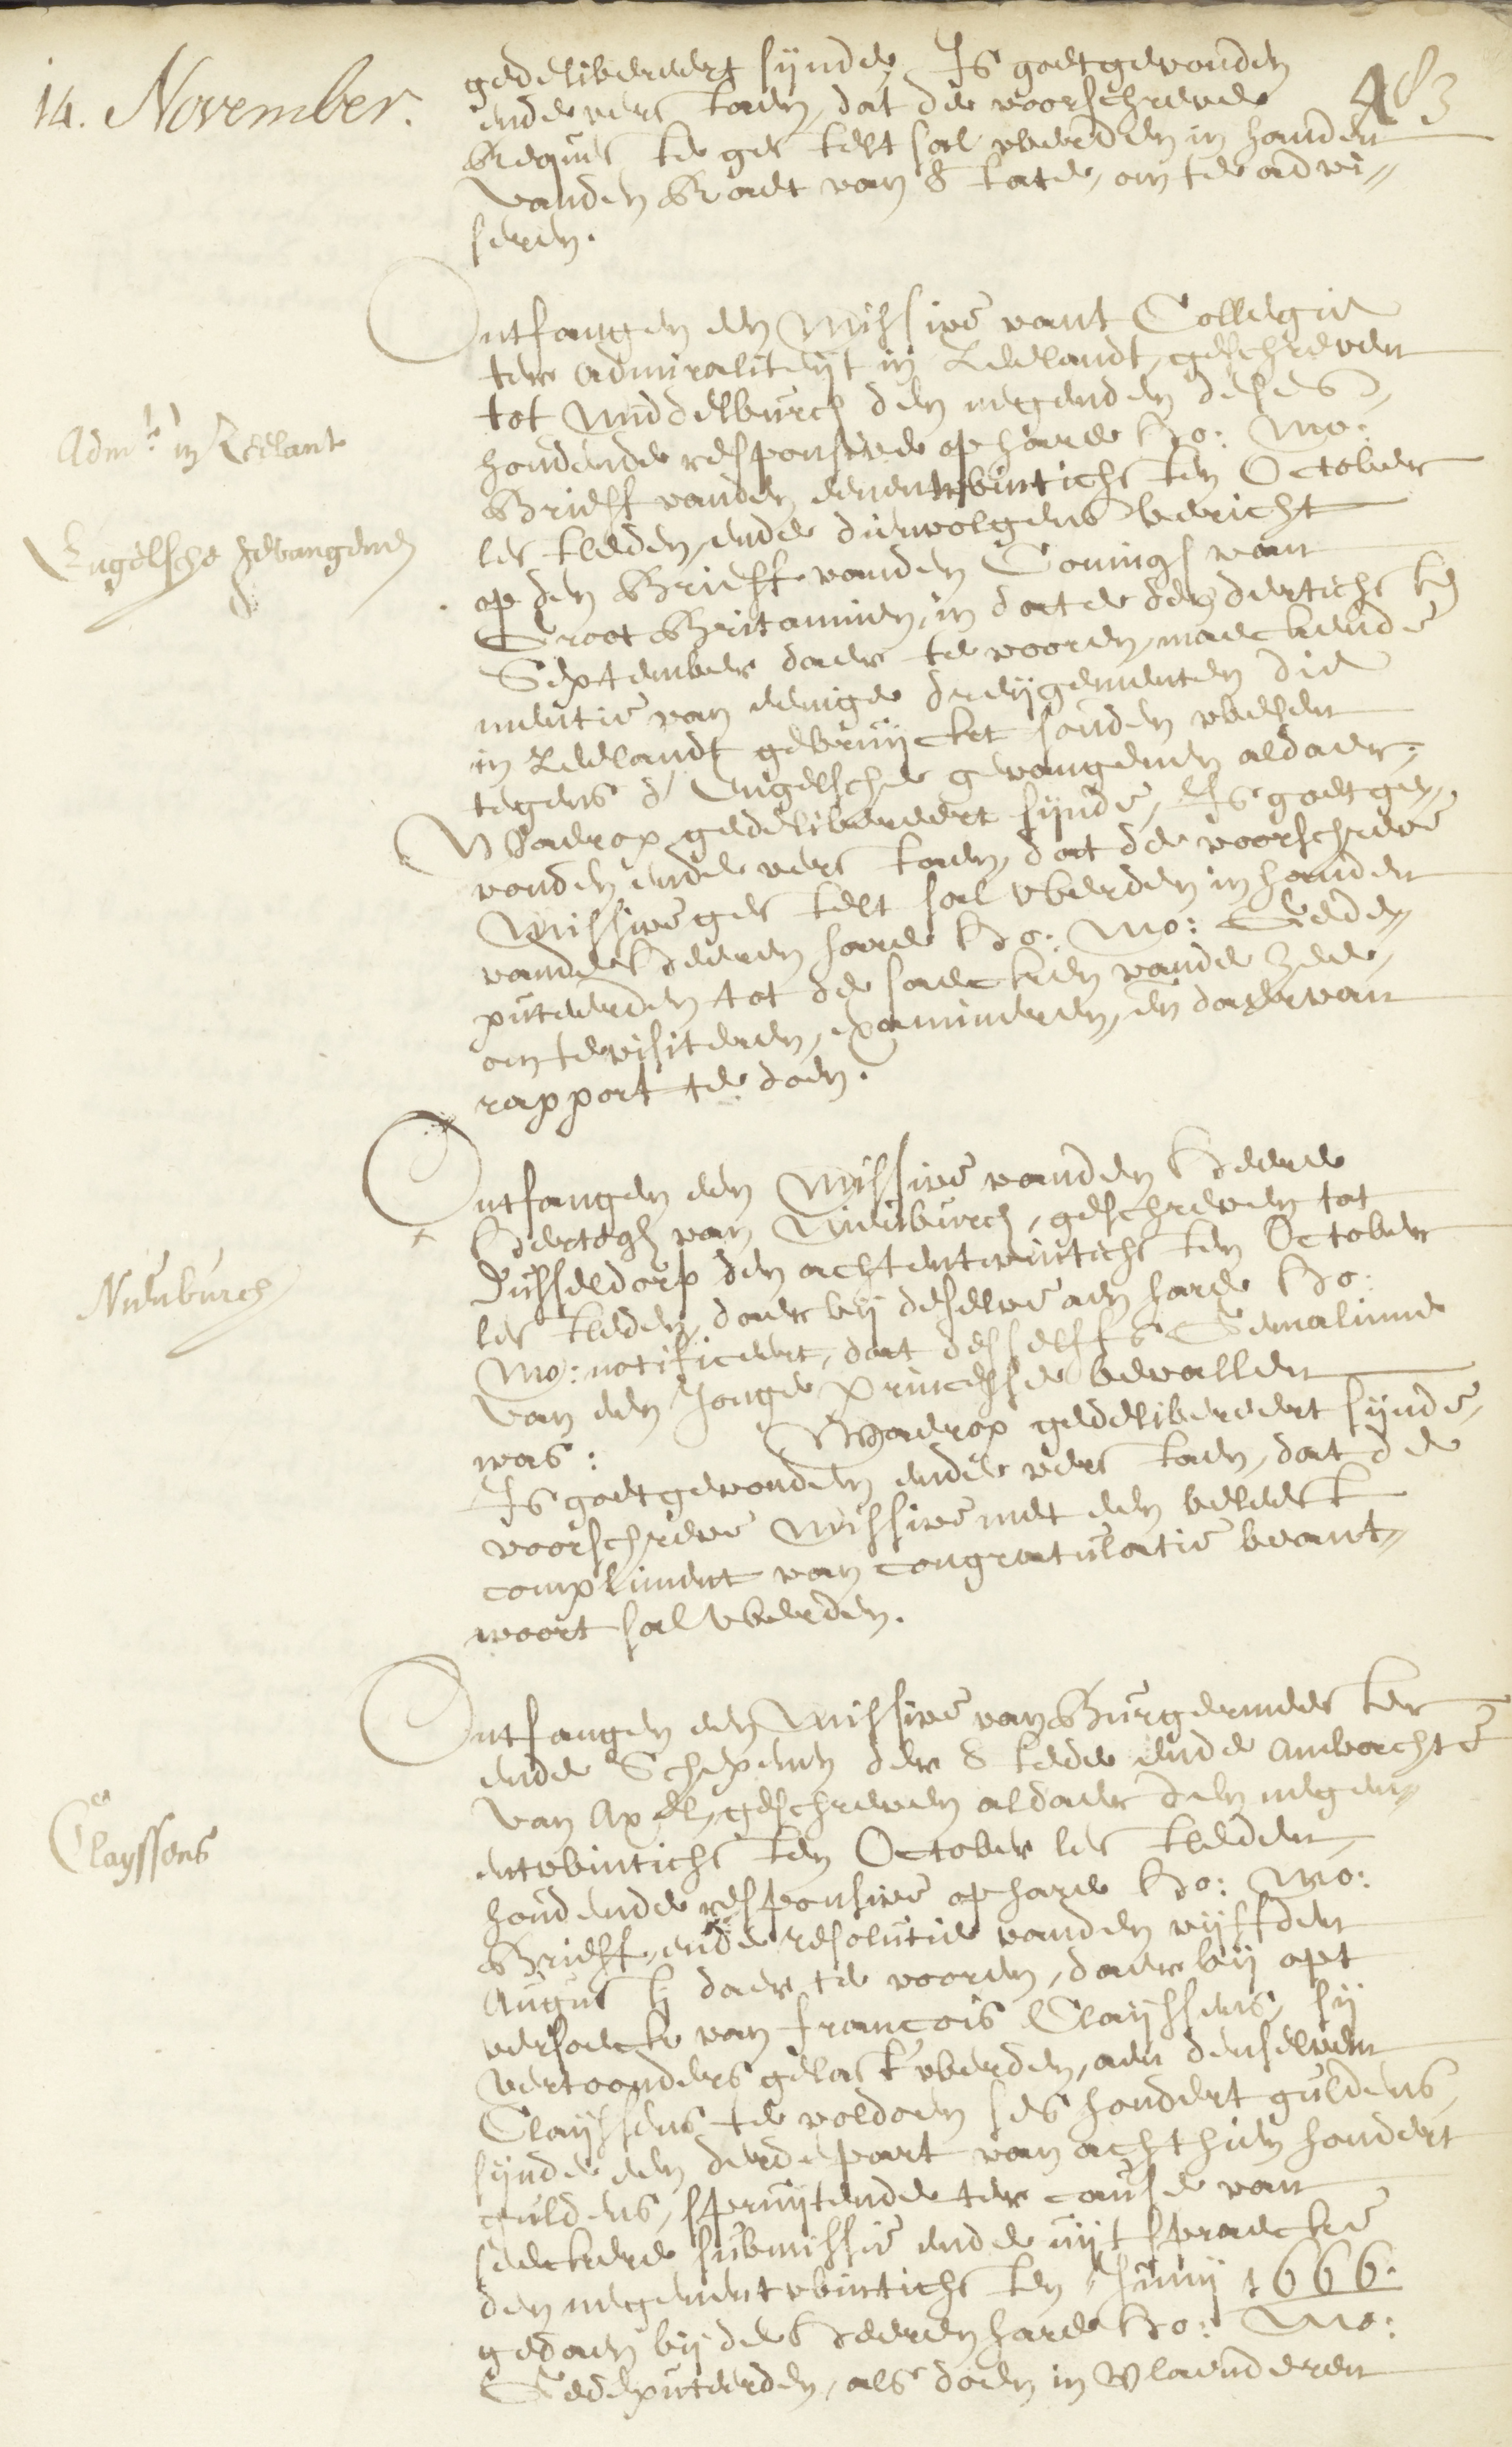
483
14. November.
gedelibereert sijnde, Is goetgevonden
ende verstaen, dat de voorschreve
Requeste gestelt sal werden in handen
vanden Raet van State, om te advi„
seren.
Admt. in Zeelant
Engelsche gevangenen
Ontfangen een Missive vant Collegie
ter Admiraliteijt in Zeelandt, geschreven
tot Middelburch den negenden deses,
houdende responsive op hare Ho:Mo:
Brieff vanden eenentwintichsten October
lestleden, ende dienvolgens bericht
op den Brieff vanden Coningh van
Groot Britannien, in date den dertichsten
September daer te vooren, maeckende
mentie van eenige dreijgementen die
in Zeelandt gebruijckt souden wesen
tegens d'Engelsche gevangenen aldaer;
Waerop gedelibereert sijnde, Is goetge„
vonden ende verstaen, dat de voorschreve
missive gestelt sal werden in handen
vande Heeren hare Ho:Mo: Gede„,
puteerden tot de saecken vande Zee,
om te visiteren, examineren, en daervan
rapport te doen.
Nieuburch
Ontfangen een Missive vanden Heere
Hertogh van Nieuburch, geschreven tot
Dusseldorp den achtentwintichsten October
lestleden, daerbij deselve aen hare Ho:
Mo: notificeert, dat desselffs Gemalinne
van een Jonge Princesse bevallen
was: Waerop gedelibereert sijnde,
Is goetgevonden ende verstaen, dat de
voorschreve missive met een beleeft
compliment van congratulatie beant„
woort sal werden.
Clayssens
Ontfangen een missive van Burgermeester
ende Schepenen der Stede ende Ambachte
van Axel, geschreven aldaer den negen„
entwintichsten October lestleden,
houdende responsive op hare Ho:Mo:
Brieff, ende resolutie vanden vijffden
Augusti daer te vooren, daerbij opt
versoeck van francois Claijssens, sij
vertoonders gelast werden, aen denselven
Claijssens te voldoen ses hondert guldens,
sijnde een derdepart van achthien hondert
guldens, spuijtende ter cause van
seeckere submissie ende uijtspraecke
den negenentwintichsten Junij 1666.
gedaen bij de Heeren hare Ho:Mo:
Gedeputeerden, als doen in Vlaenderen
